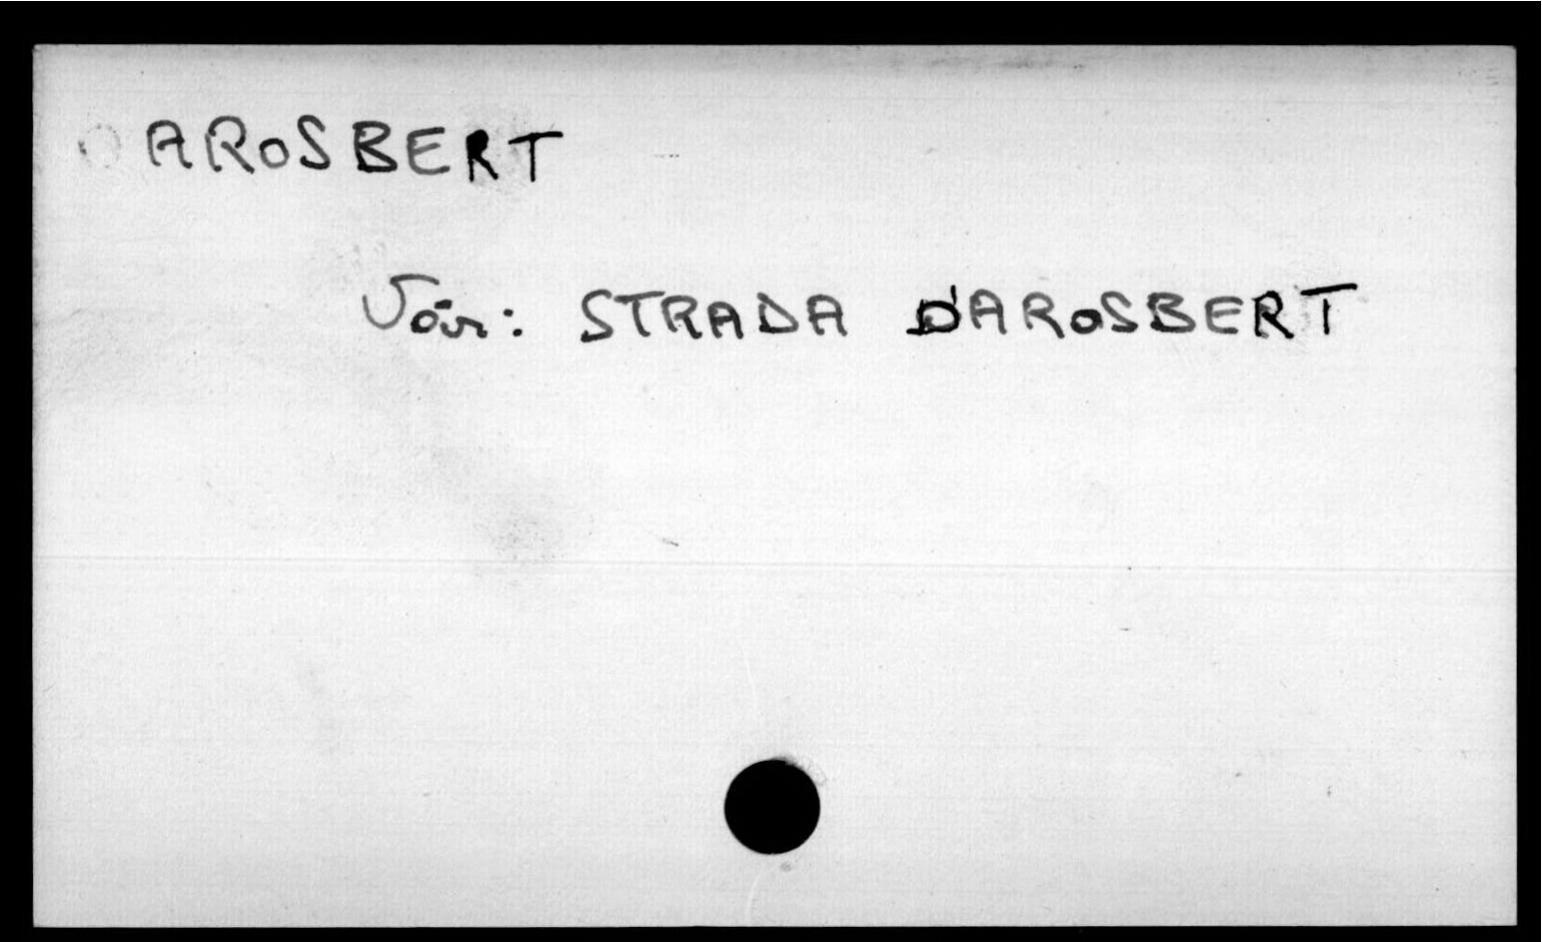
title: AROSBERT
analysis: Voir : STRADA D'AROSBERT
